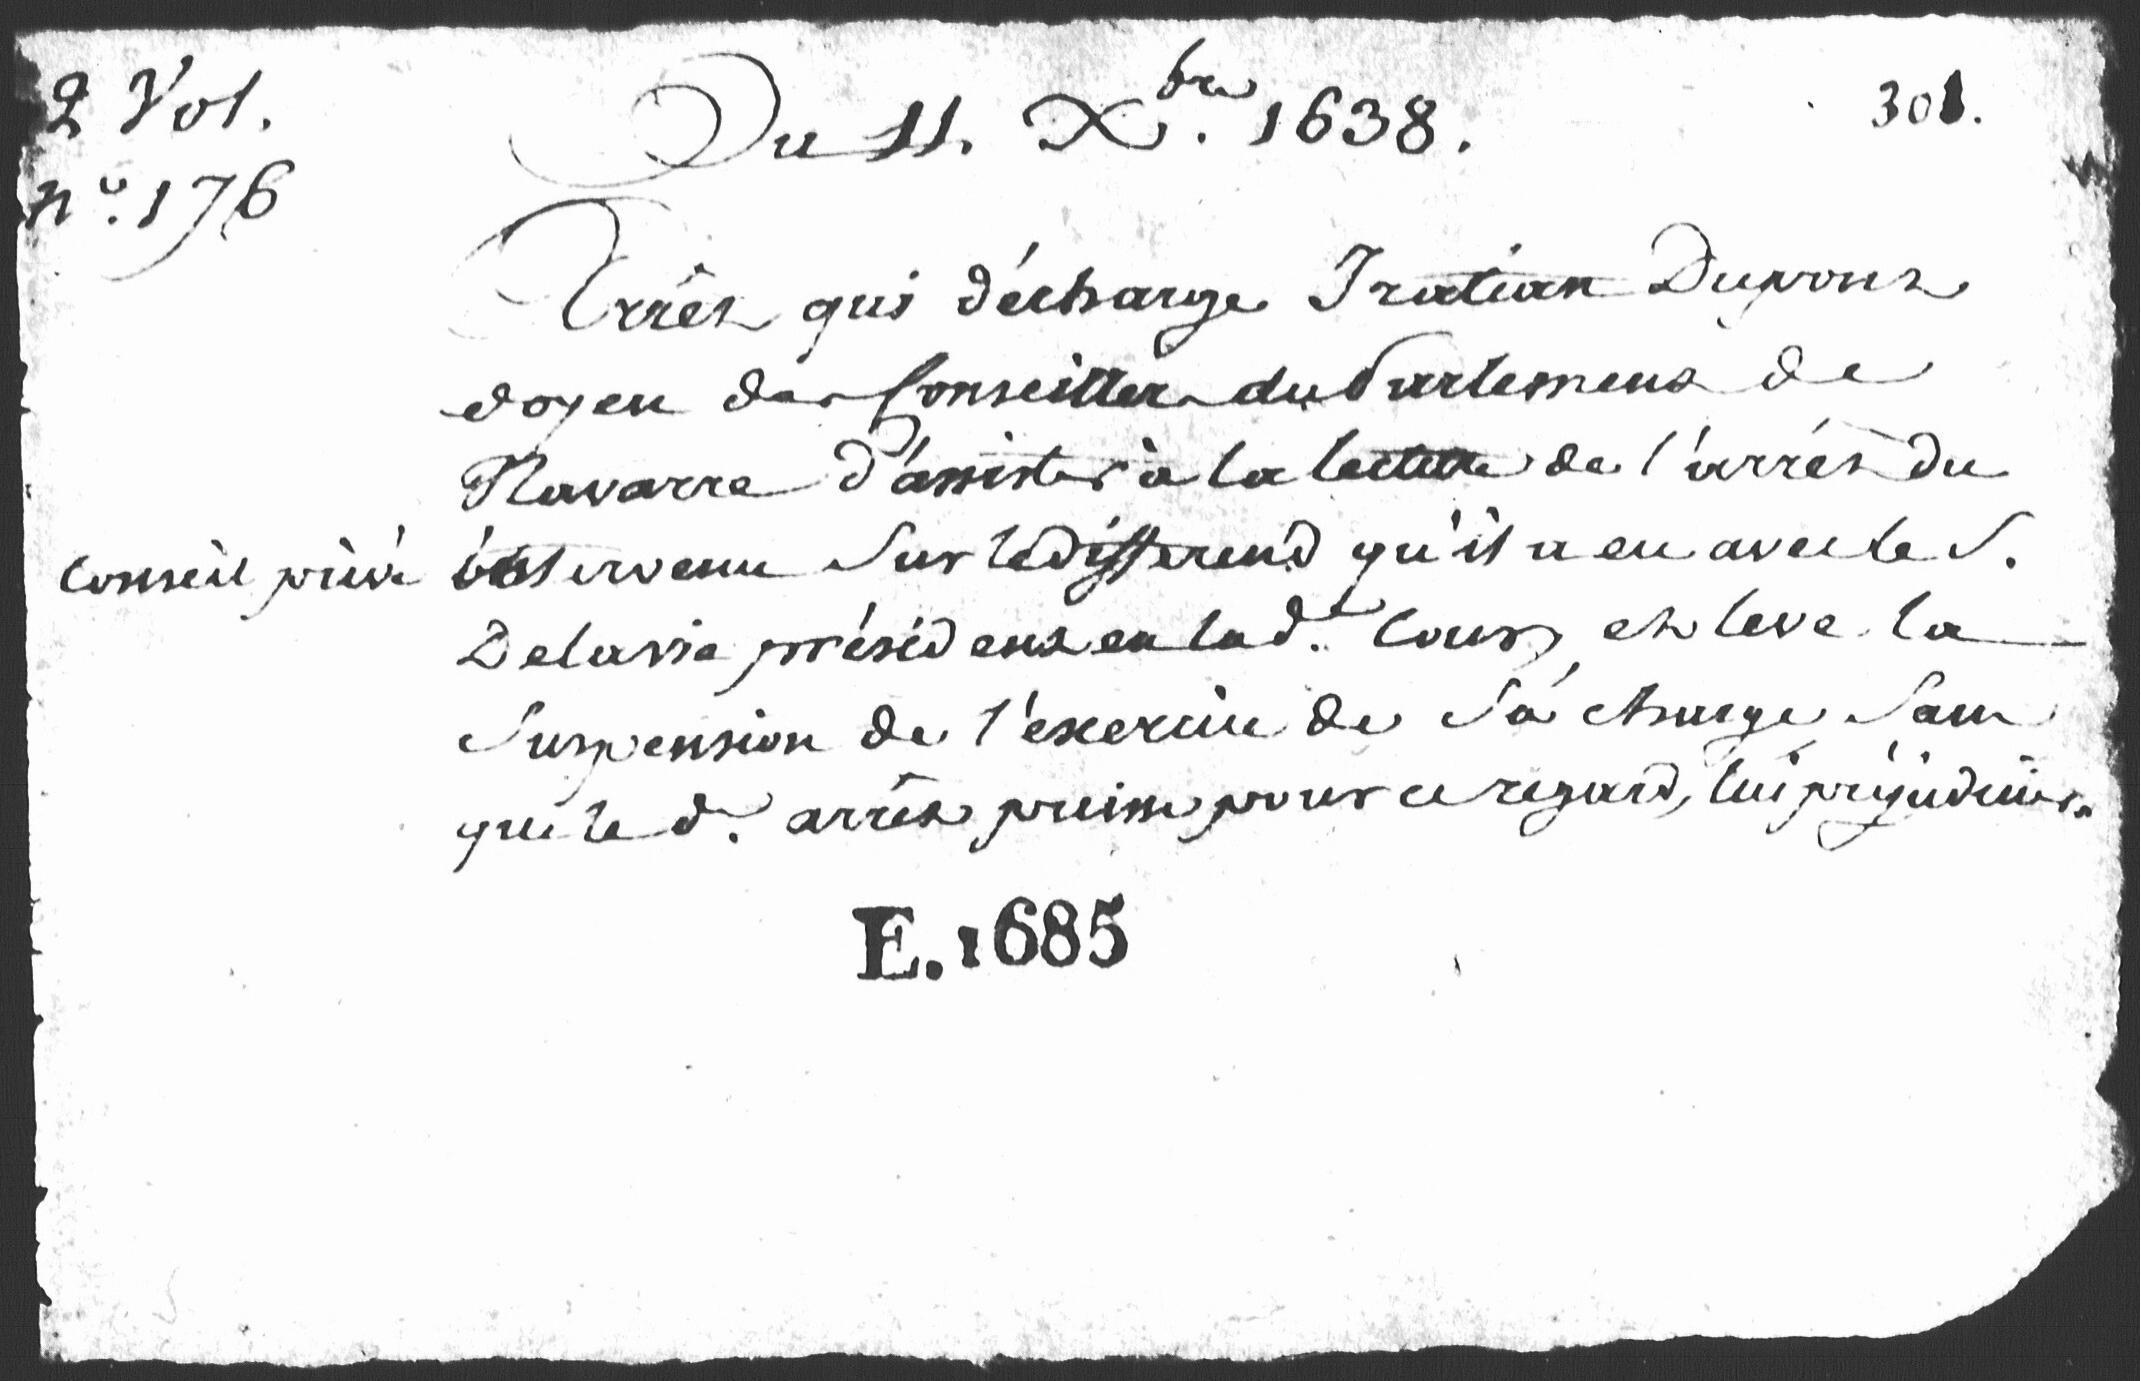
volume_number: n°176
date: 11 décembre 1638
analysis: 301.
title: Arrêt qui décharge Iratian Dupont doyen des conseillers du Parlement de Navarre d'assister à la lecture de l'arrêt du conseil privé intervenu sur le differend qu'il a eu avec le S. Delavie président en lad.e cour, et leve la suspension de l'exercice de sa charge sans que led. arrêt puisse pour ce regard lui préjudicier.
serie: E
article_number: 1685
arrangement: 2 vol.
